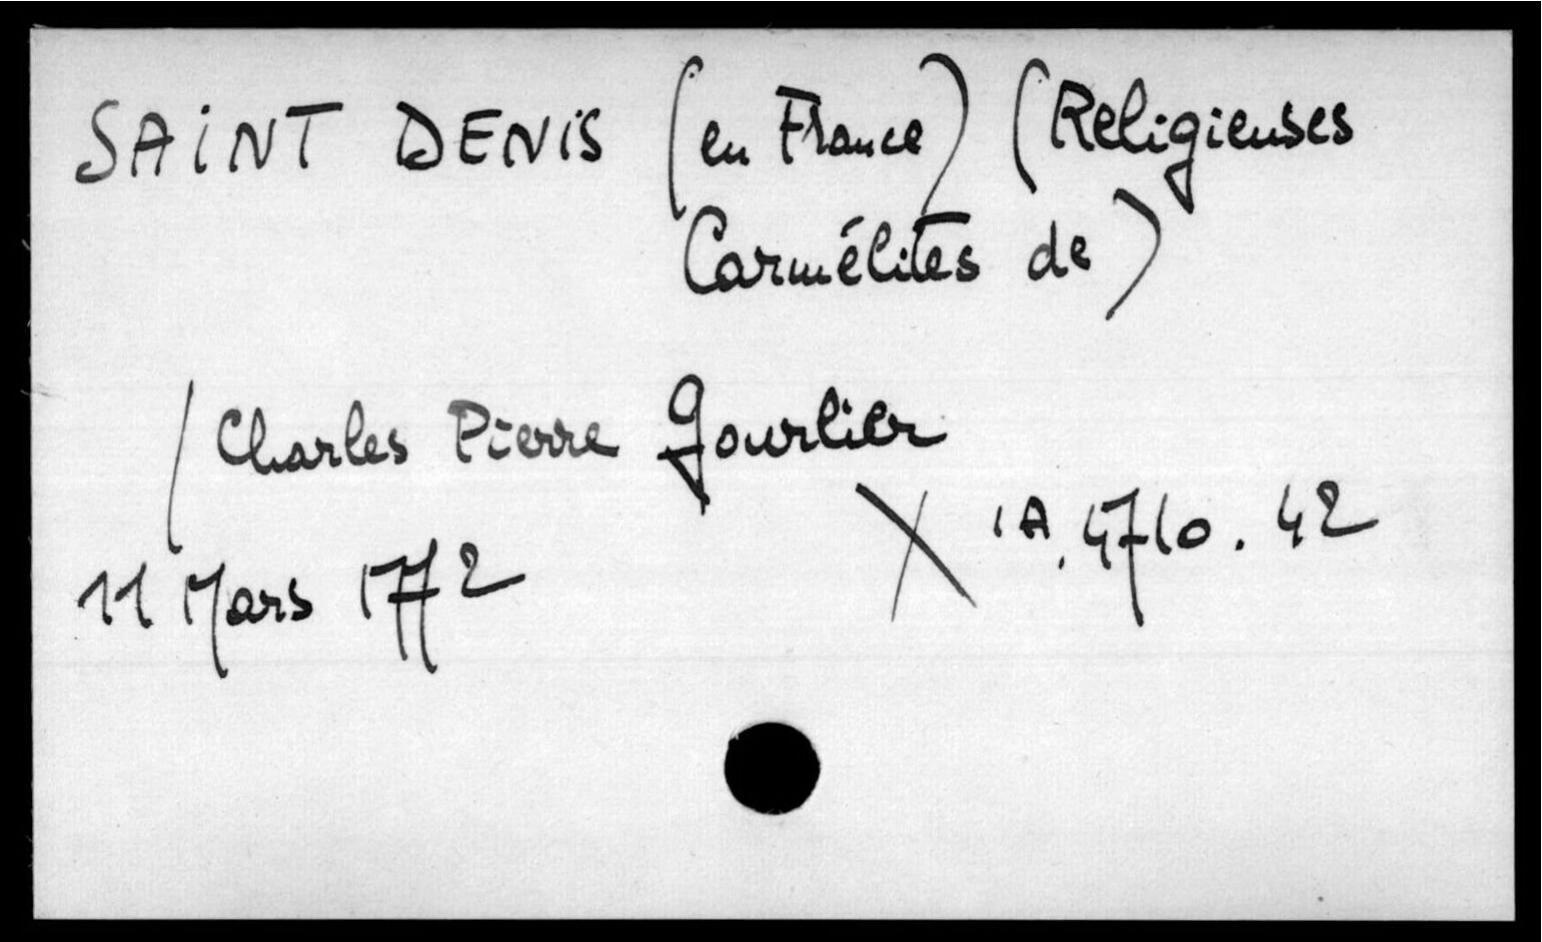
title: SAINT DENIS (en France) (Religieuses carmélites de)
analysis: Contre Charles Pierre Gourlier
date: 11 mars 1772
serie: X1A
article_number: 4710
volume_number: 42
